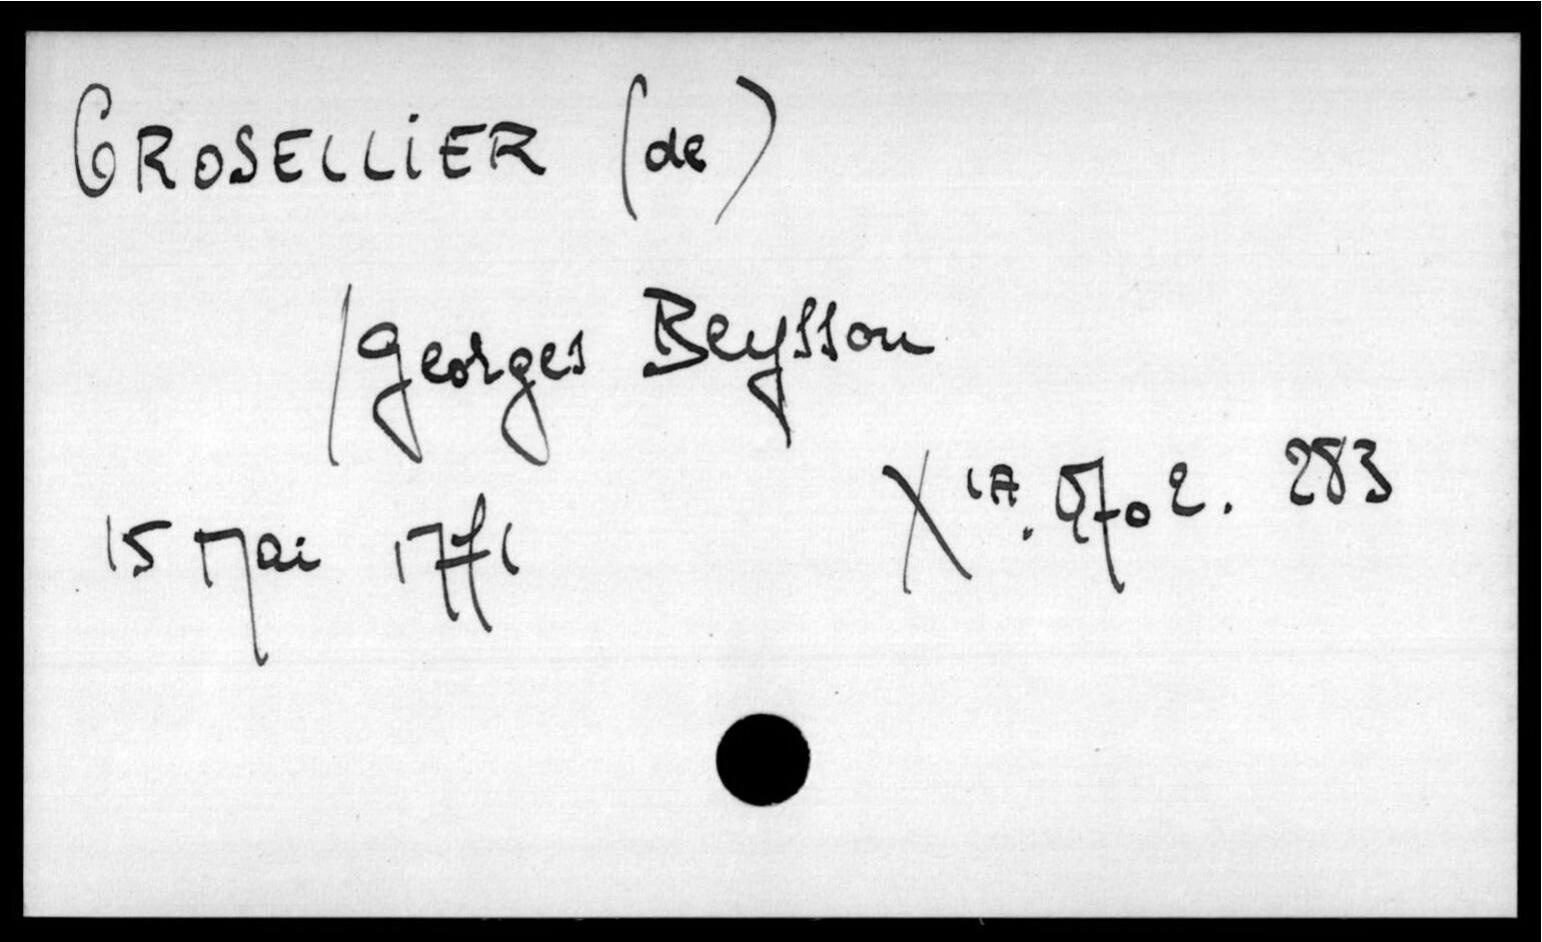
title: GROSELLIER (de)
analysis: Contre Georges Beysson
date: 15 mai 1771
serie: X1A
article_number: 4702
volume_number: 283
